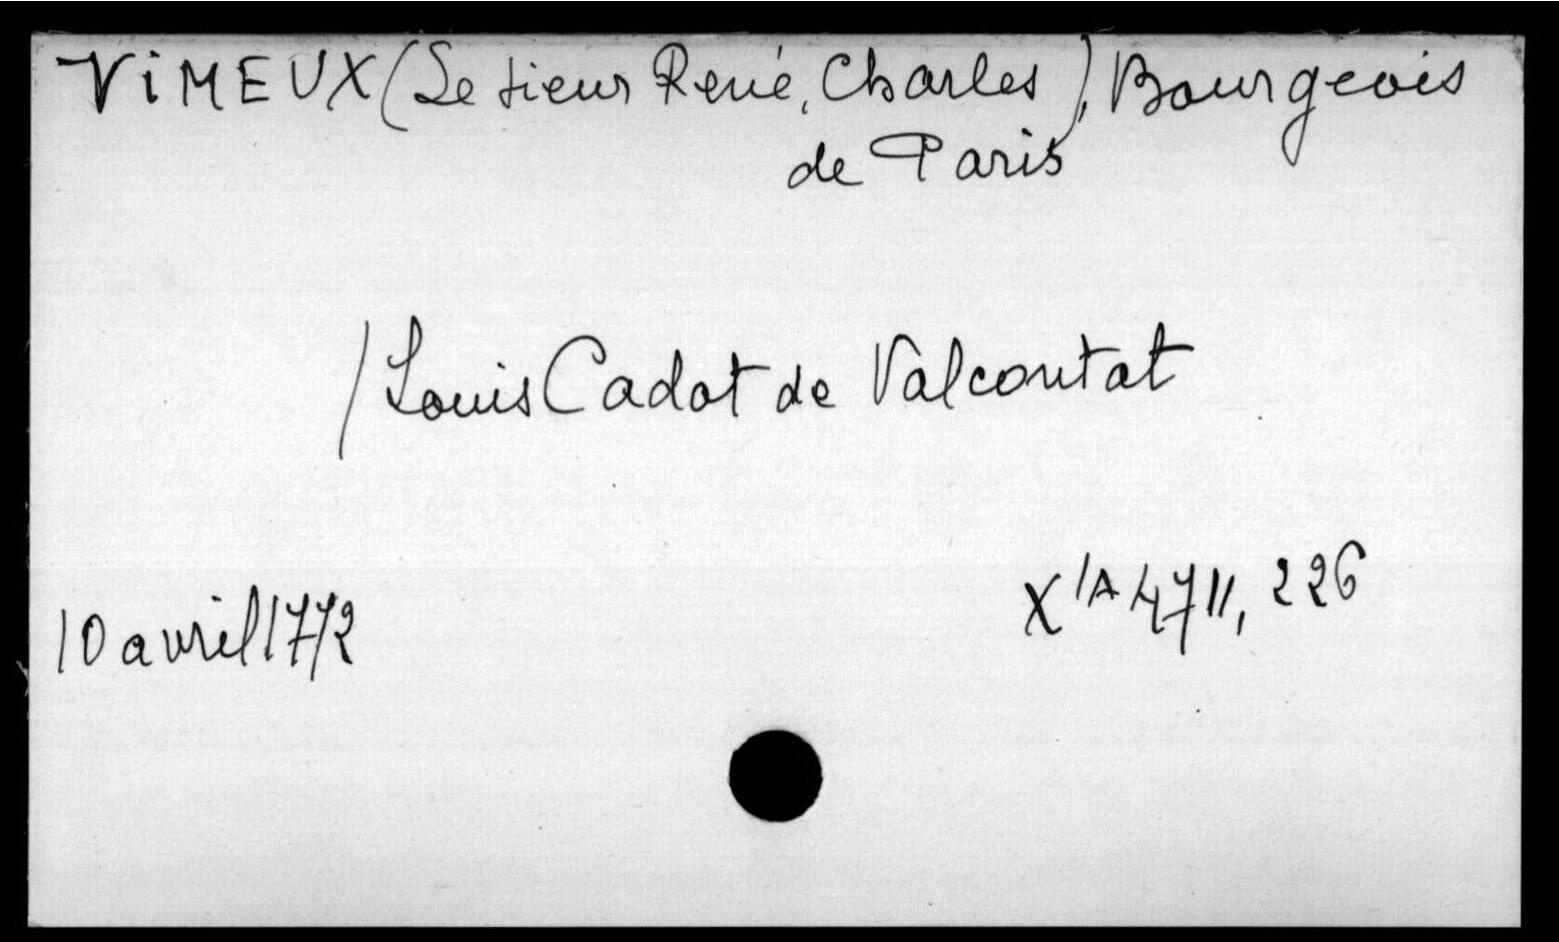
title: VIMEUX (le sieur René, Charles), Bourgeois de Paris
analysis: Contre Louis Cadot de Valcontat
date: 10 avril 1772
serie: X1A
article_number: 4711
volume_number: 226
